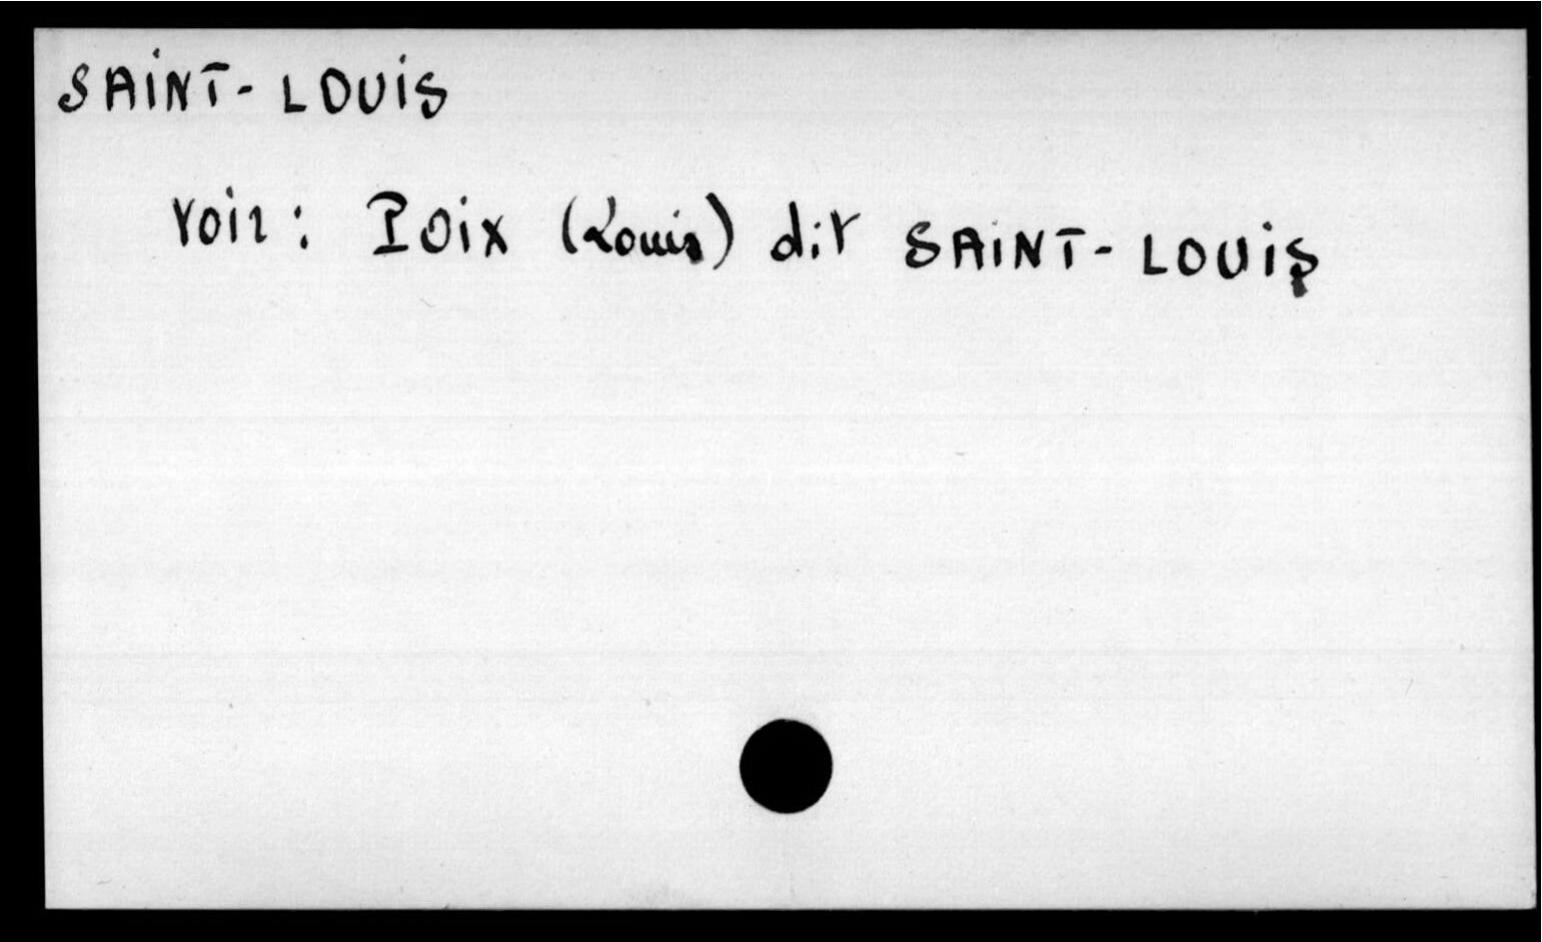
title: SAINT-LOUIS Voir : POIX (Louis) dit SAINT-LOUIS
